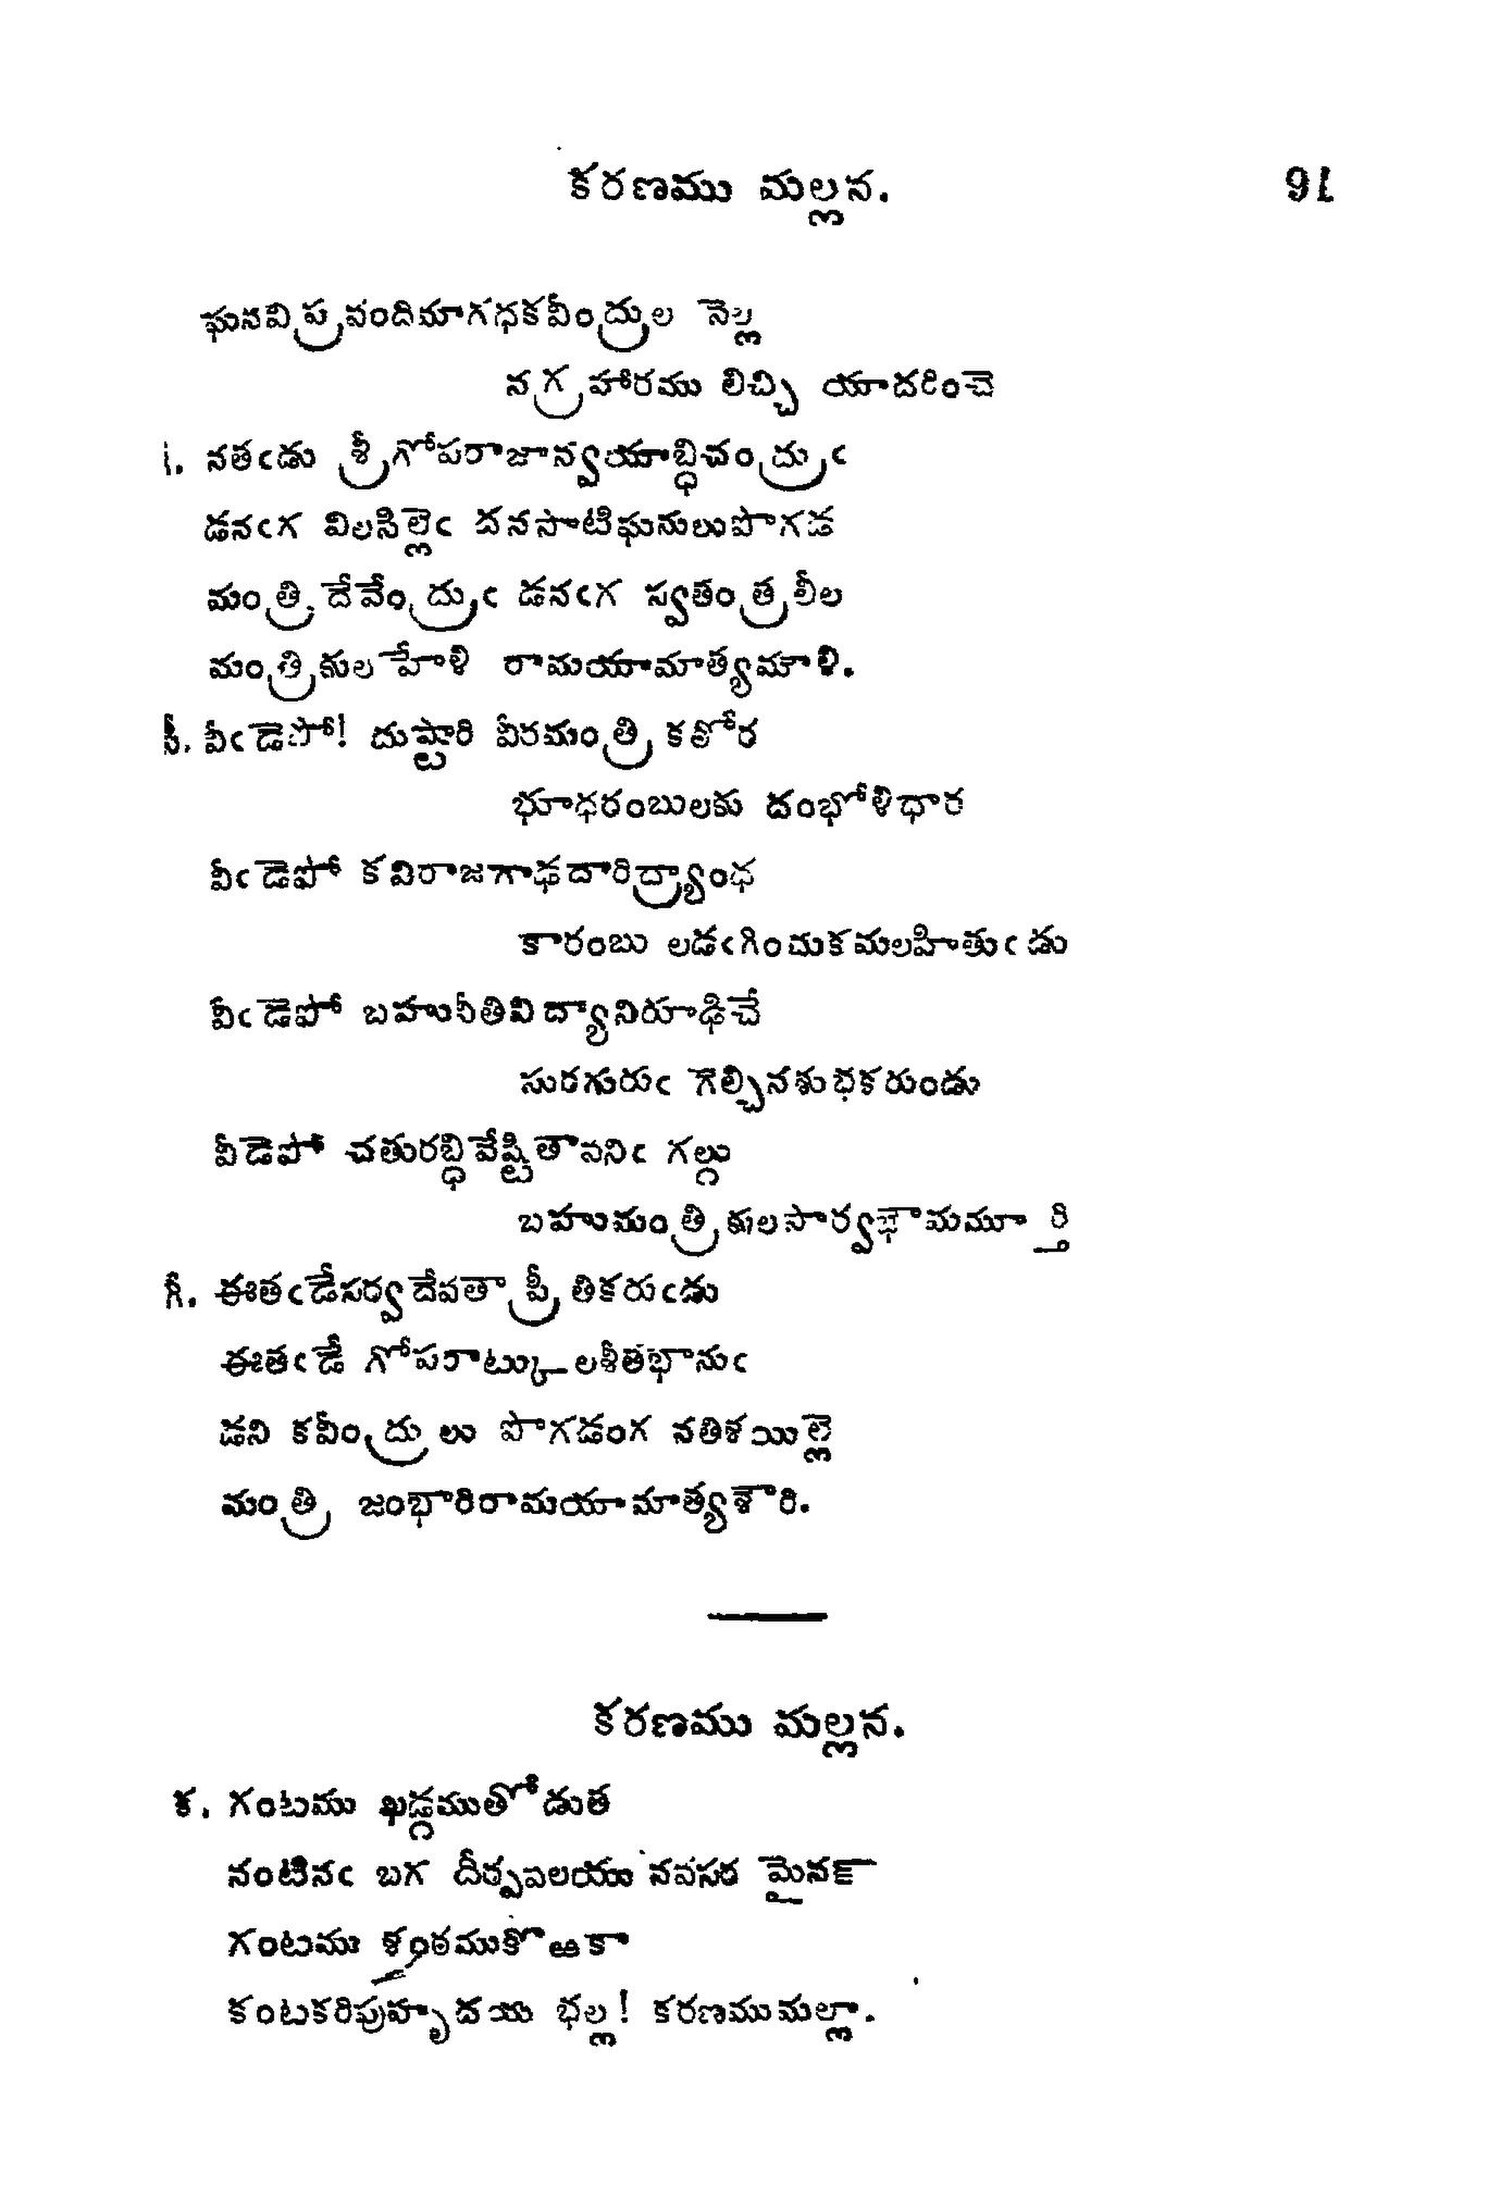ఘనవిప్రవందిమాగధకవీంద్రుల నెల్ల
 నగ్రహారము లిచ్చి యాదరించె
గీ. నతఁడు శ్రీగోపరాజాన్వయాబ్ధిచంద్రుఁ
 డనఁగ విలసిల్లెఁ దనసాటిఘనులు పొగడ
 మంత్రిదైవేంద్రుఁ డనఁగ స్వతంత్రలీల
 మంత్రికులహేళి రామయామాత్యమౌళి.
సీ. వీఁడెపో! దుష్టారి వీరమంత్రికఠోర
 భూధరంబులకు దంభోళిధార
 వీఁడెపో కవిరాజగాఢదారిద్ర్యాంధ
 కారంబు లడఁగించు కమలహితుఁడు
 వీఁడెపో బహునీతివిద్యానిరూఢిచే
 సురగురుఁ గెల్చిన శుభకరుండు
 వీఁడెపో చతురబ్ధివేష్టితావనిఁ గల్గు
 బహుమంత్రికులసార్వభౌమమూర్తి
గీ. ఈతఁడే సర్వదేవతాప్రీతికరుఁడు
 ఈతఁడే గోపరాట్కులశీతభానుఁ
 డని కవీంద్రులు పొగడంగ నతిశయులై
 మంత్రి జంభారిరామయామాత్యశౌరి.

క. గంటము ఖడ్గముతోడుత
 నంటినఁ బగ దీర్పవలయు నవసరమైనన్
 గంటము శంఠముకొఱకా
 కంటకరిపుహృదయ భల్ల! కరణము మల్లా!